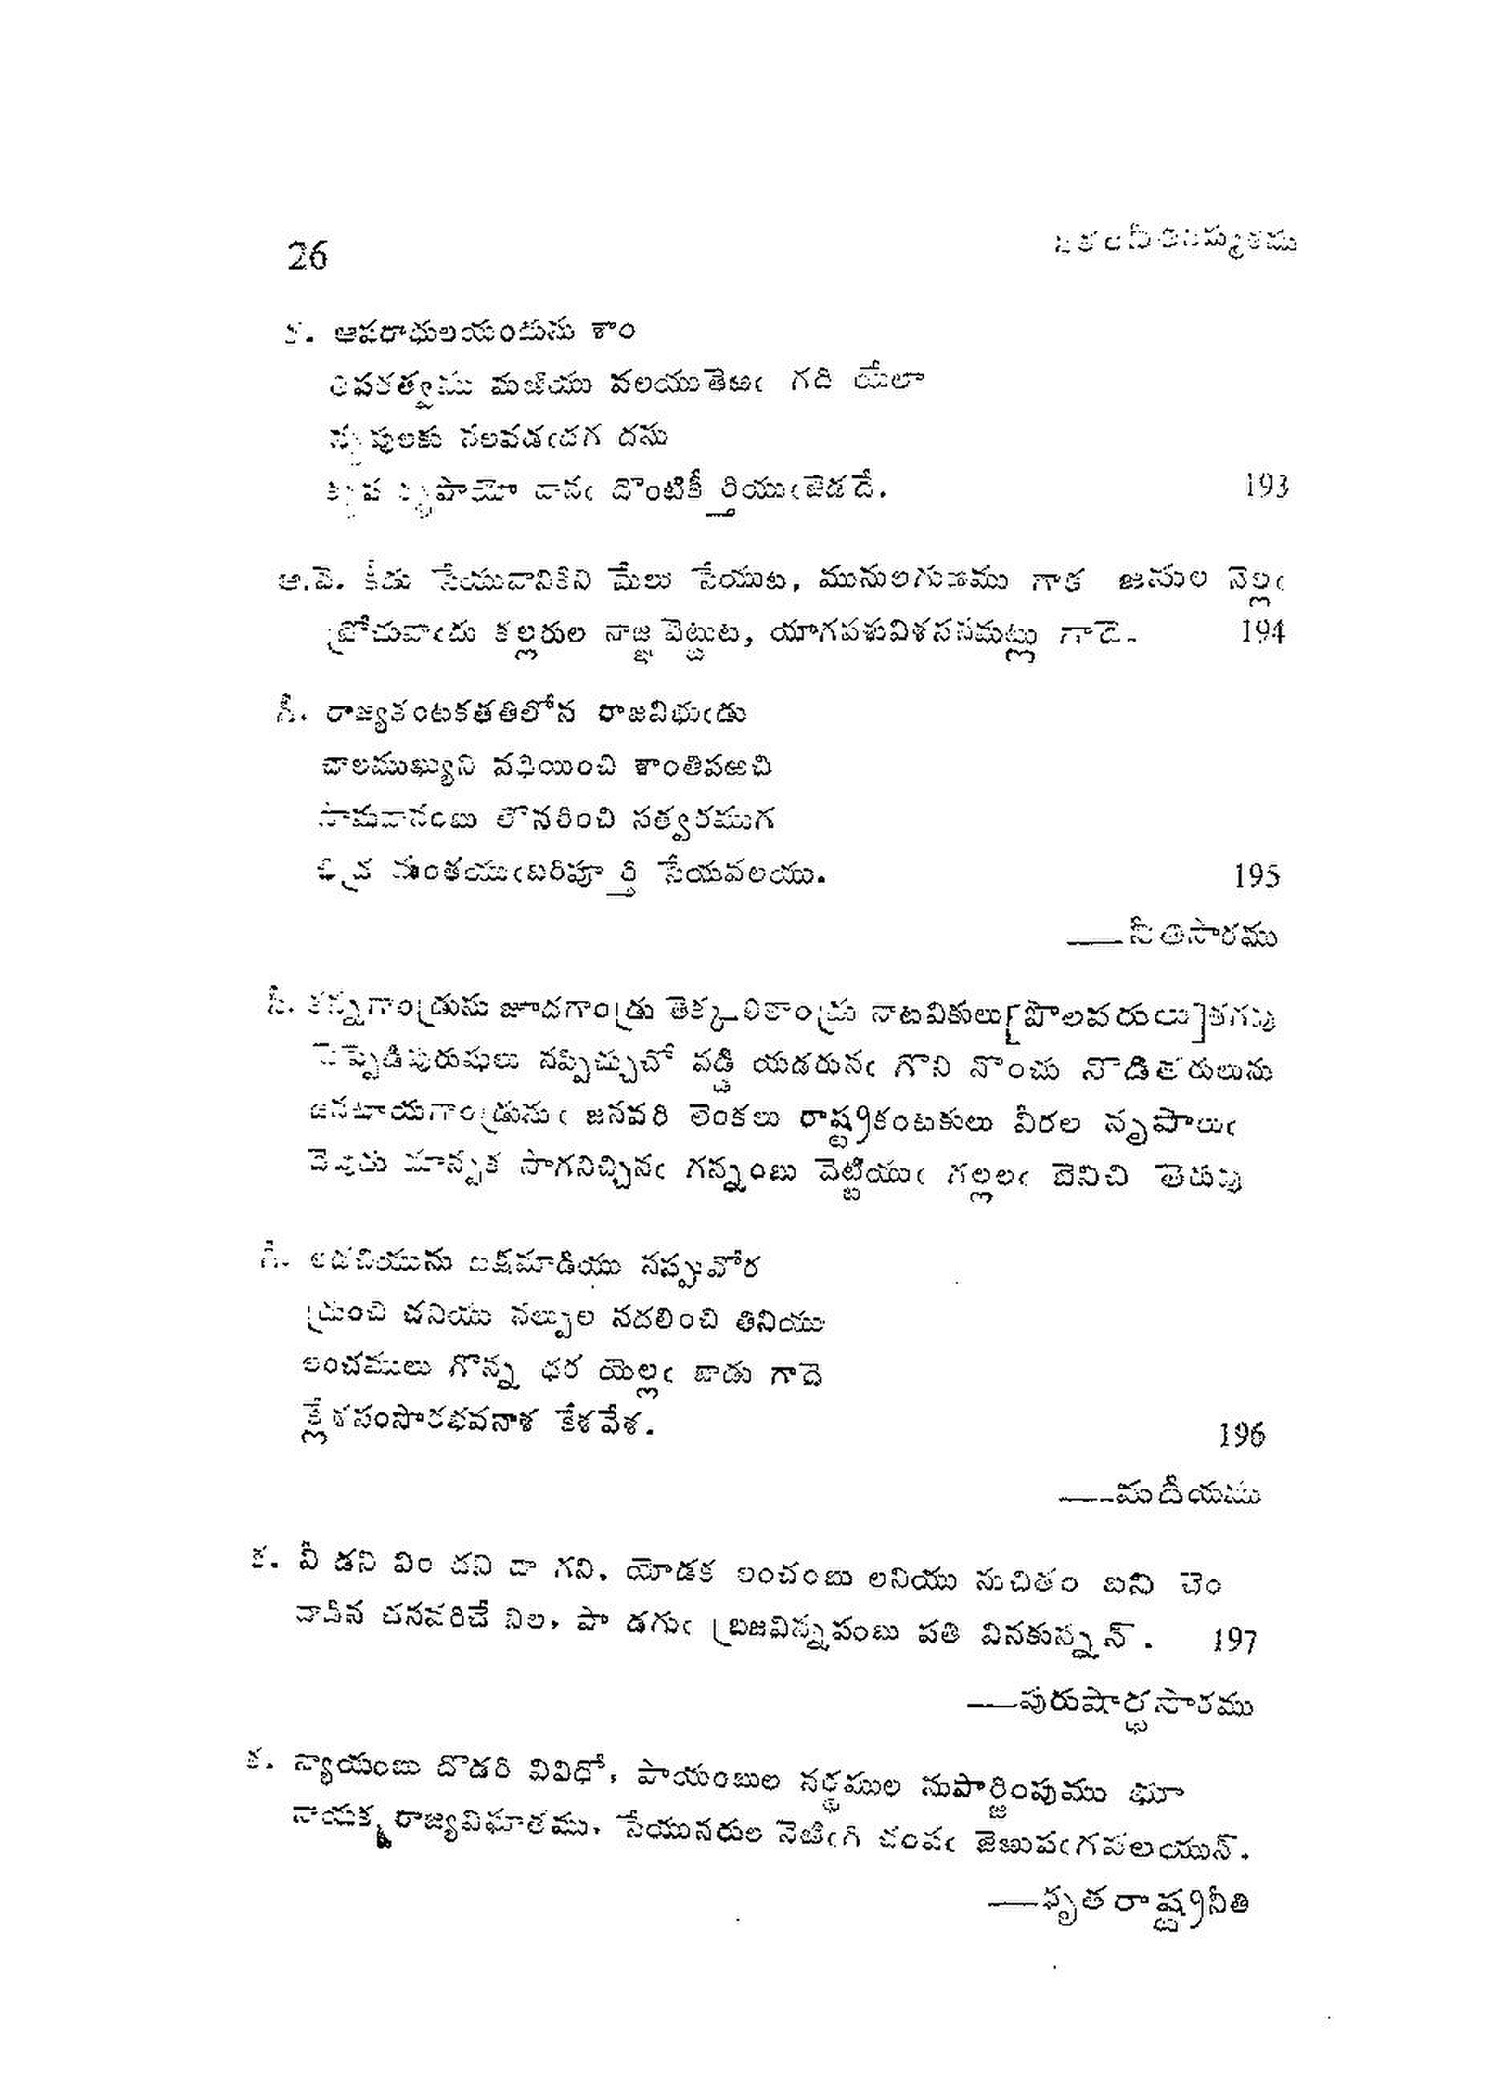క. అపరాధుల యందును శాం
తిపరత్వము మఱియు వలయుతెఱఁ గది యేలా
నృపులకు నలవడఁ దగ దను
కృప కృపయో దానఁ దొంటికీర్తియుఁ జెడదే. 193

ఆ. కీడు సేయువానికిని మేలు సేయుట
మునులగుణము గాక జనుల నెల్లఁ
బ్రోచువాఁడు కల్లరుల నాజ్ఞవెట్టుట
యాగపశువిశసనమట్లు గాదె. 194

గీ. రాజ్యకంటకతతిలోన రాజవిభుఁడు
చాలముఖ్యుని వధియించి శాంతిపఱచి
సామదానంబు లొనరించి సత్వరముగ
ఛిద్ర మంతయుఁ బరిపూర్తి సేయవలయు. 195

సీ. కన్నగాండ్రును జూదగాండ్రు తెక్కలికాండ్రు
నాటవికులు [పొలవరులు] తగవు
సెప్పెడి పురుషులు నప్పిచ్చుచో వడ్డి
యదరునఁ గొని నొంచు నొడితరులును
జనటాయగాండ్రునుఁ జనవరి లెంకలు
రాష్ట్రకంటకులు వీరల నృపాలుఁ
డెపుడు మాన్పక సాగనిచ్చినఁ గన్నంబు
వెట్టియుఁ గల్లలఁ బెనిచి తెరువు
గీ. లడచియును బక్షమాడియు నప్పువోర
ద్రుంచి చనియు నల్పుల నదలించి తినియు
లంచములు గొన్న ధర యెల్లఁ బాడు గాదె
క్లేశసంసారభవనాశ కేశవేశ. 196

క. వీ డని నిం దని దా గని
యోడక లంచంబు లనియు నుచితం బని చెం
డాడిన చనవరిచే నిల
పా డగుఁ బ్రజవిన్నపంబు పతి వినకున్నన్. 197

క. న్యాయంబు దొడరి వివిధో
పాయంబుల నర్థముల నుపార్జింపుము భూ
నాయక రాజ్యవిఘాతము
సేయునరుల నెఱిఁగి చంపఁ జెఱుపఁగవలయున్. 198